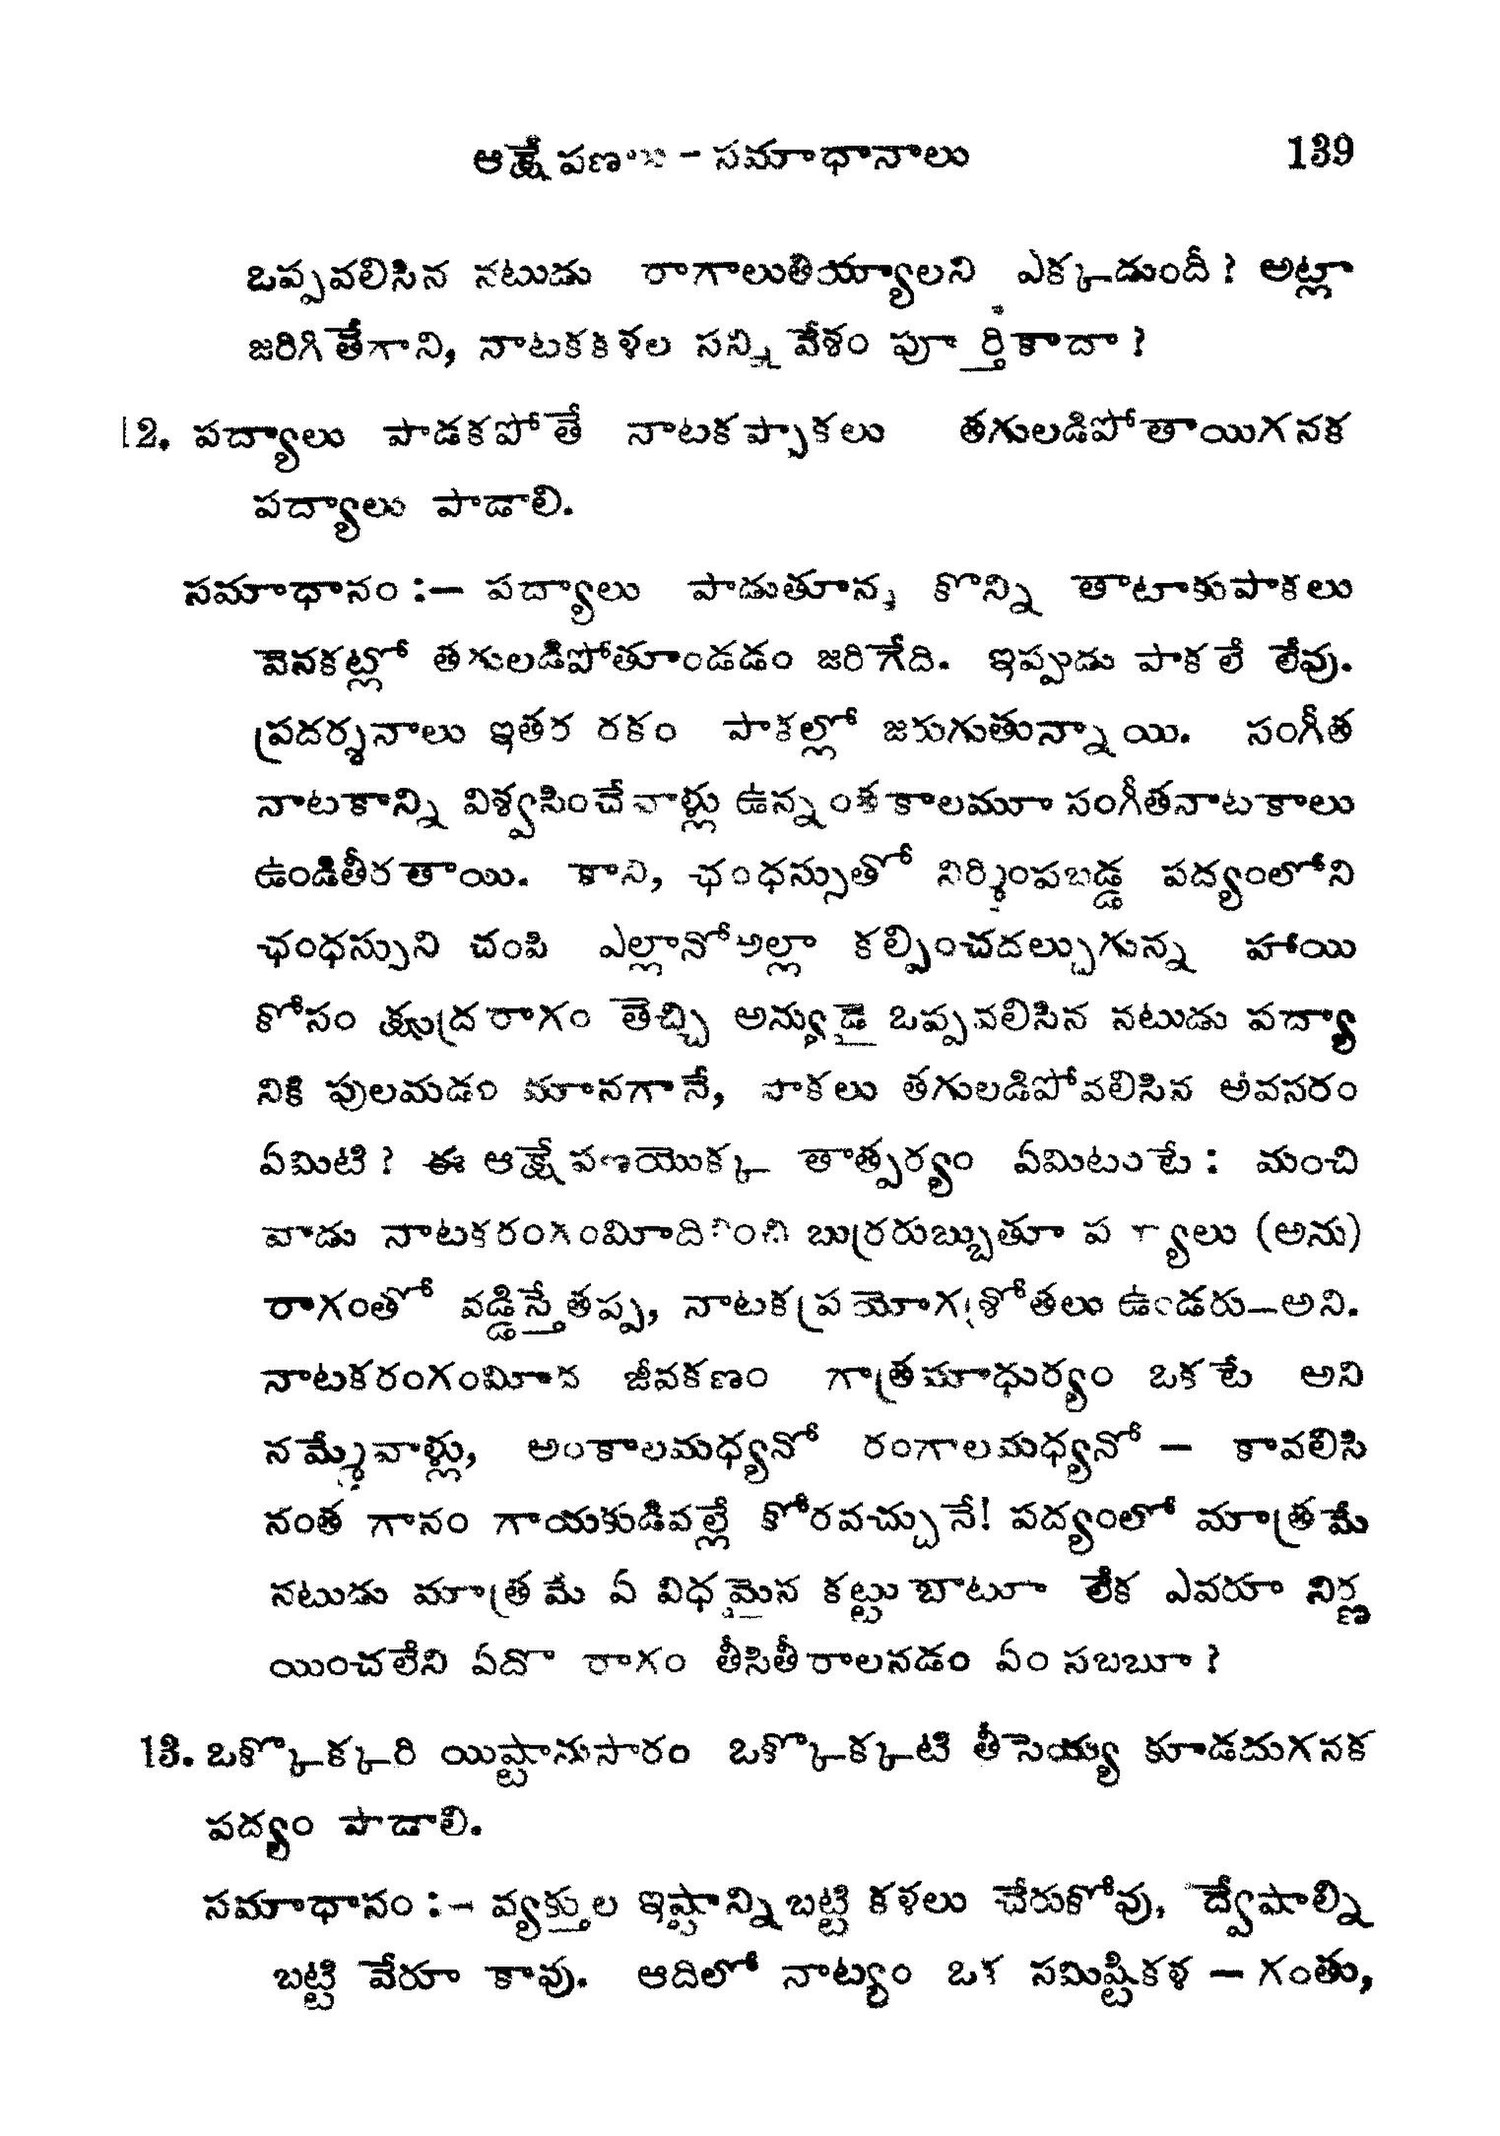ఒప్పవలిసిన నటుడు రాగాలు తియ్యాలని ఎక్కడుందీ? అట్లా
జరిగితేగాని, నాటకకళల సన్ని వేశం పూర్తికాదా !

12. పద్యాలు పాడకపోతే నాటకప్పాకలు తగులడిపోతాయిగనక
పద్యాలు పాడాలి.

సమాధానం :- పద్యాలు పాడుతూన్న కొన్ని తాటాకుపాకలు
వెనకట్లో తగులడిపోతూండడం జరిగేది. ఇప్పుడు పాకలే లేవు.
ప్రదర్శనాలు ఇతర రకం పాకల్లో జరుగుతున్నాయి. సంగీత
నాటకాన్ని విశ్వసించేవాళ్లు ఉన్నంతకాలమూ సంగీతనాటకాలు
ఉండితీరతాయి. కాని, ఛంధస్సుతో నిర్మింపబడ్డ పద్యంలోని
ఛంధస్సుని చంపి ఎల్లానోఅల్లా కల్పించదల్చుగున్న హాయి
కోసం క్షుద్రరాగం తెచ్చి అన్యుడై ఒప్పవలిసిన నటుడు పద్యా
నికి పులమడం మానగానే, పాకలు తగులడిపోవలిసిన అవసరం
ఏమిటి ? ఈ ఆక్షేపణయొక్క తాత్పర్యం ఏమిటంటే : మంచి
వాడు నాటకరంగంమీదినించి బుర్రరుబ్బుతూ పద్యాలు (అను)
రాగంతో వడ్డిస్తేతప్ప, నాటకప్రయోగశ్రోతలు ఉండరు - అని.
నాటకరంగంమీద జీవకణం గాత్రమాధుర్యం ఒకటే అని
నమ్మేవాళ్లు, అంకాలమధ్యనో రంగాలమధ్యనో - కావలిసి
నంత గానం గాయకుడివల్లే కోరవచ్చునే! పద్యంలో మాత్రమే
నటుడు మాత్రమే ఏ విధమైన కట్టుబాటూ లేక ఎవరూ నిర్ణ
యించలేని ఏదో రాగం తీసితీరాలనడం ఏం సబబూ ?

13. ఒక్కొక్కరి యిష్టానుసారం ఒక్కొక్కటి తీసెయ్య కూడదుగనక
పద్యం పాడాలి.

సమాధానం :- వ్యక్తుల ఇష్టాన్ని బట్టి కళలు చేరుకోవు, ద్వేషాల్ని
బట్టి వేరూ కావు. ఆదిలో నాట్యం ఒక సమిష్టికళ - గంతు,